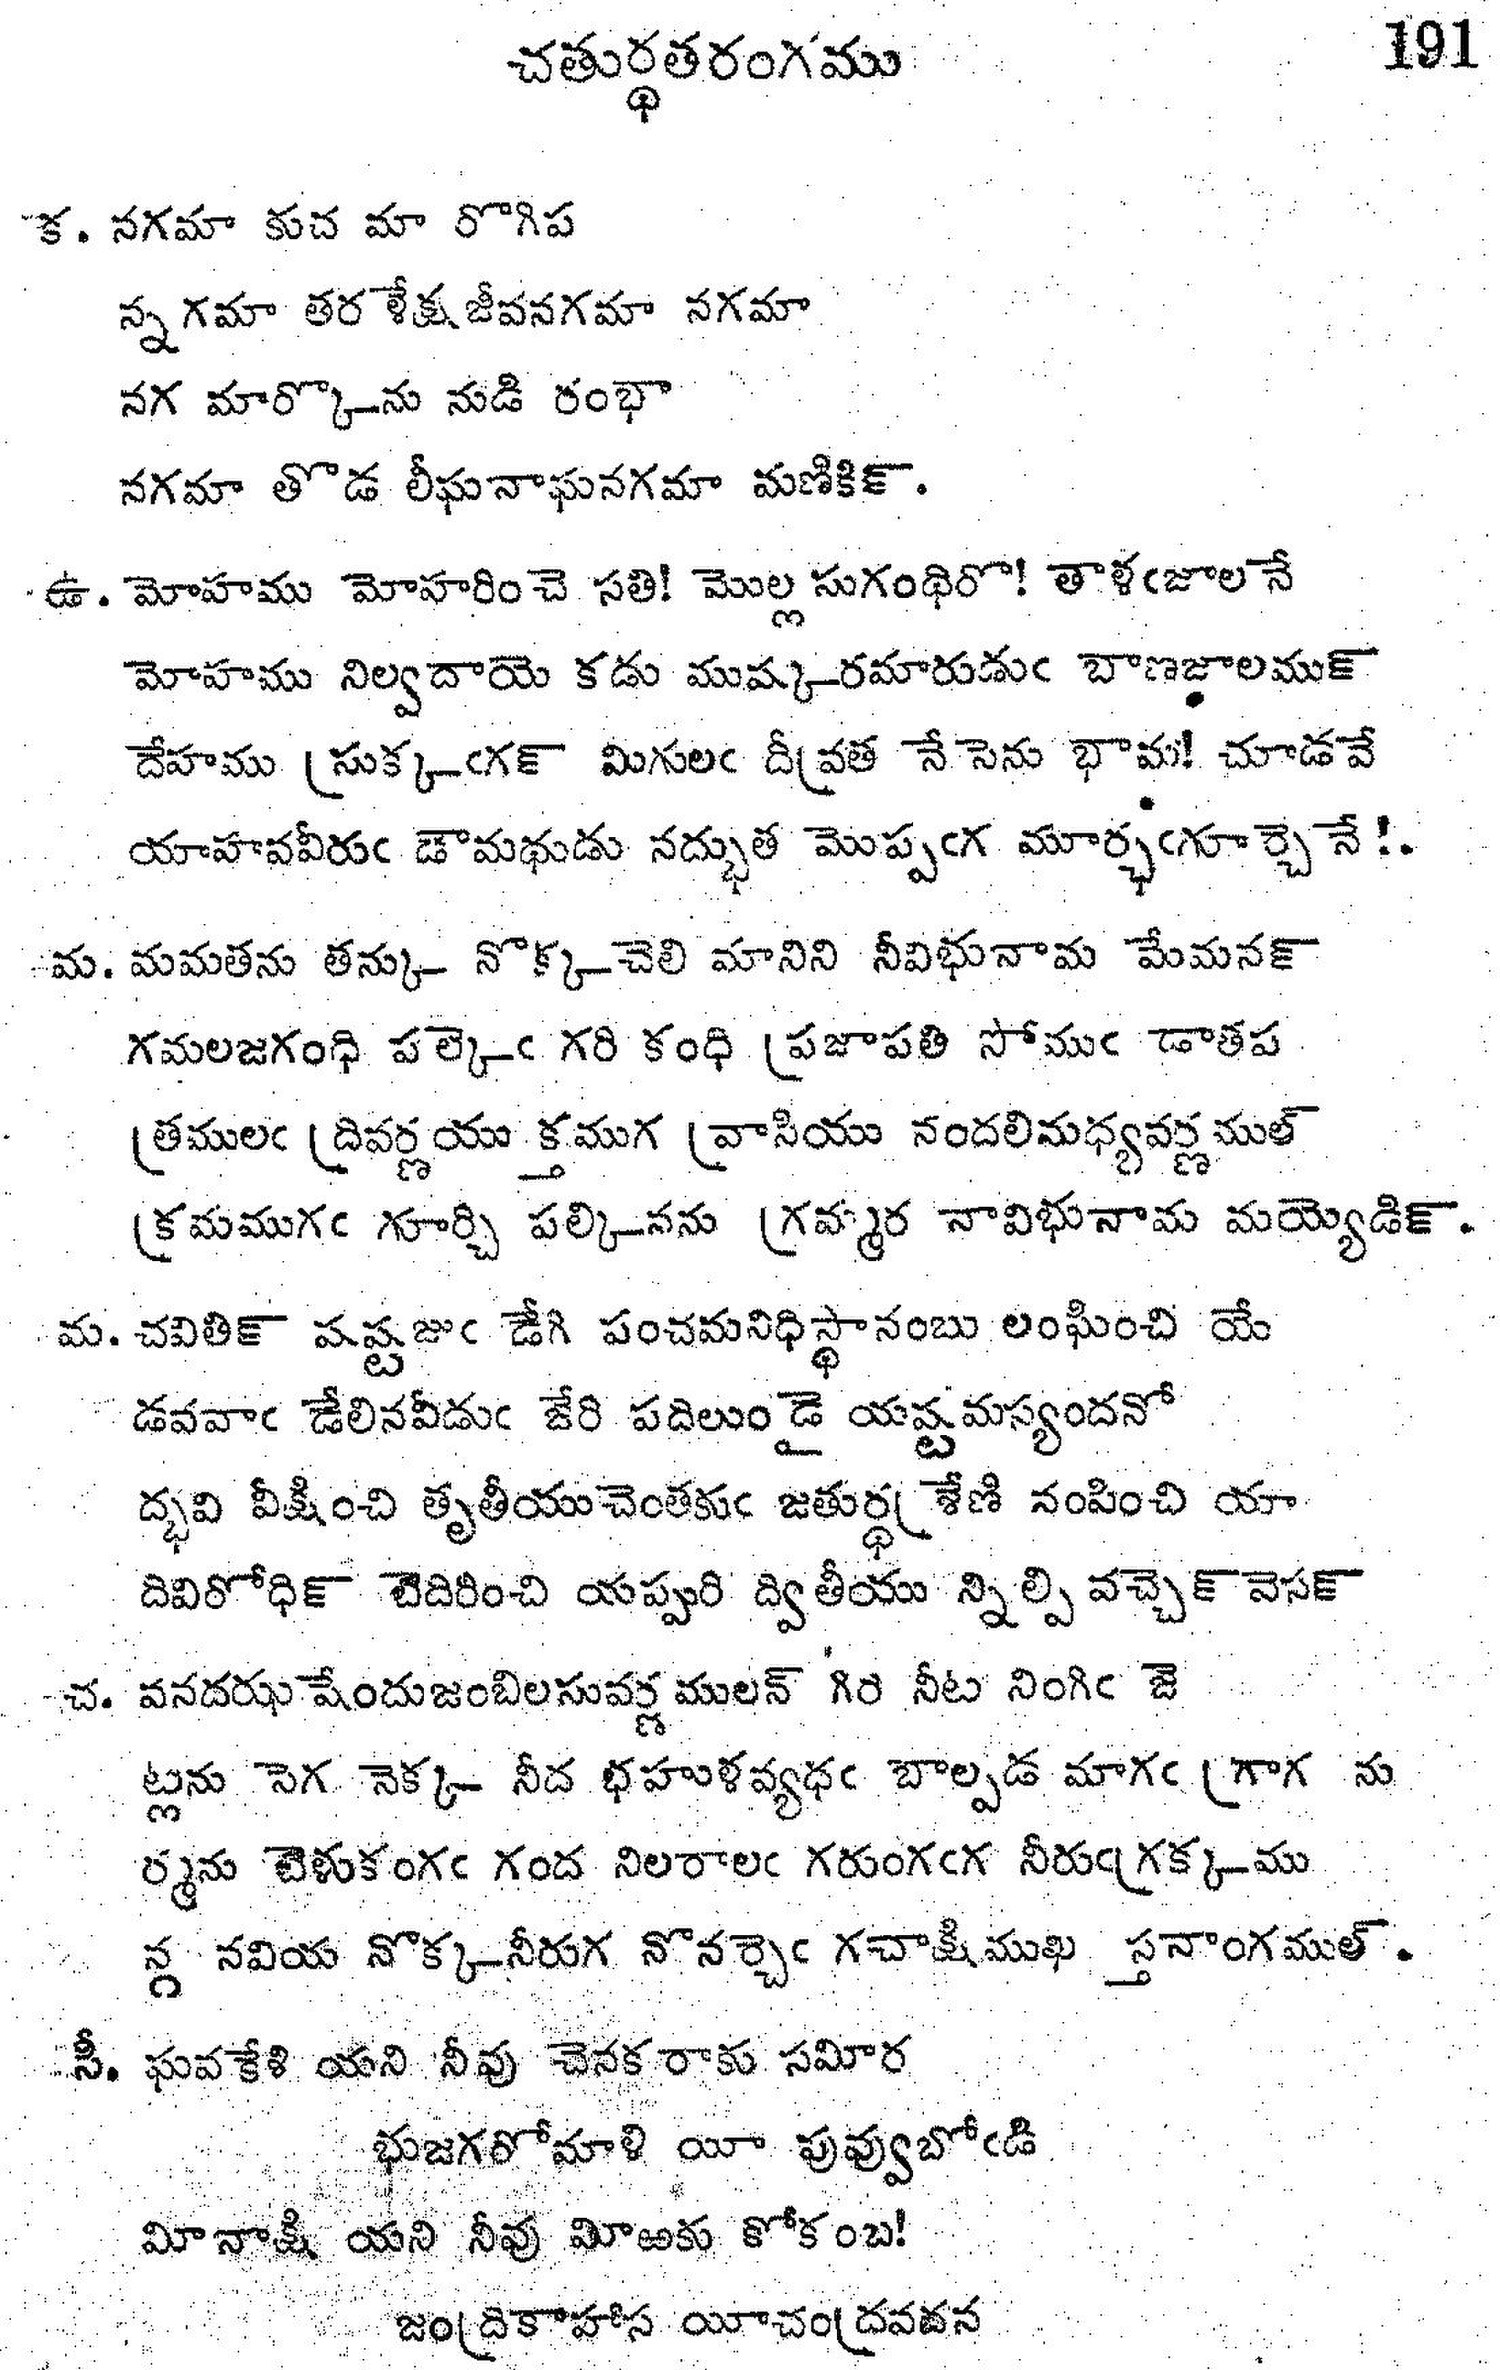క. నగమా కుచ మా రొగిప
 న్నగమా తరళేక్షజీవనగమా నగమా
 నగ మార్కొను నుడి రంభా
 నగమా తొడ లీఘనాఘనగమా మణికిన్.

ఉ. మోహము మోహరించె సతి! మొల్ల సుగంధిరొ! తాళఁజాలనే
 మోహము నిల్వదాయె కడు ముష్కరమారుఁడు బాణజాలమున్
 దేహము స్రుక్కఁగన్ మిగులఁ దీవ్రత నేసెను భామ! చూడవే
 యాహవవీరుఁ డౌమథుఁడు నద్భుత మొప్పఁగ మూర్ఛఁగూర్చెనే!

మ. మమతను తన్కు నొక్కచెలి మానిని నీవిభునామ మేమనన్
 గమలజగంధి పల్కెఁ గరి కంధి ప్రజాపతి సోముఁ డాతప
 త్రములఁ ద్రివర్ణయుక్తముగ వ్రాసియు నందలిమధ్యవర్ణముల్
 క్రమముగఁ గూర్చి పల్కినను గ్రమ్మర నావిభునామ మయ్యెడిన్.

మ. చవితిన్ షష్టజుఁ డేగి పంచమనిధిస్థానంబు లంఘించి యే
 డవవాఁ డేలినవీడుఁ జేరి పదిలుండై యష్టమస్యందనో
 ద్భవి వీక్షించి తృతీయుచెంతకుఁ జతుర్థశ్రేణి నంపించి యా
 దివిరోధిన్ బెదిరించి యప్పురి ద్వితీయు న్నిల్పి వచ్చెన్ వెసన్.

చ. వనదఝషేందుజంబిలసువర్ణములన్ గిరి నీట నింగిఁ జె
 ట్లను సెగ నెక్క నీద భహుళవ్యధఁ బాల్పడ మాగఁ గ్రాగ ను
 ర్మను బెళుకంగఁ గంద నిలరాలఁ గరుంగఁగ నీరుఁగ్రక్కము
 న్గ నవియ నొక్కనీరుగ నొనర్చెఁ గచాక్షిముఖస్తనాంగముల్.

సీ. ఘవకేశి యని నీవు చెనకరాకు సమీర!
 భుజగరోమాళి యీ పువ్వుఁబోఁడి
 మీనాక్షి యని నీవు మీఱకు కోకంబఁ!
 జంద్రికాహాస యీ చంద్రవదన